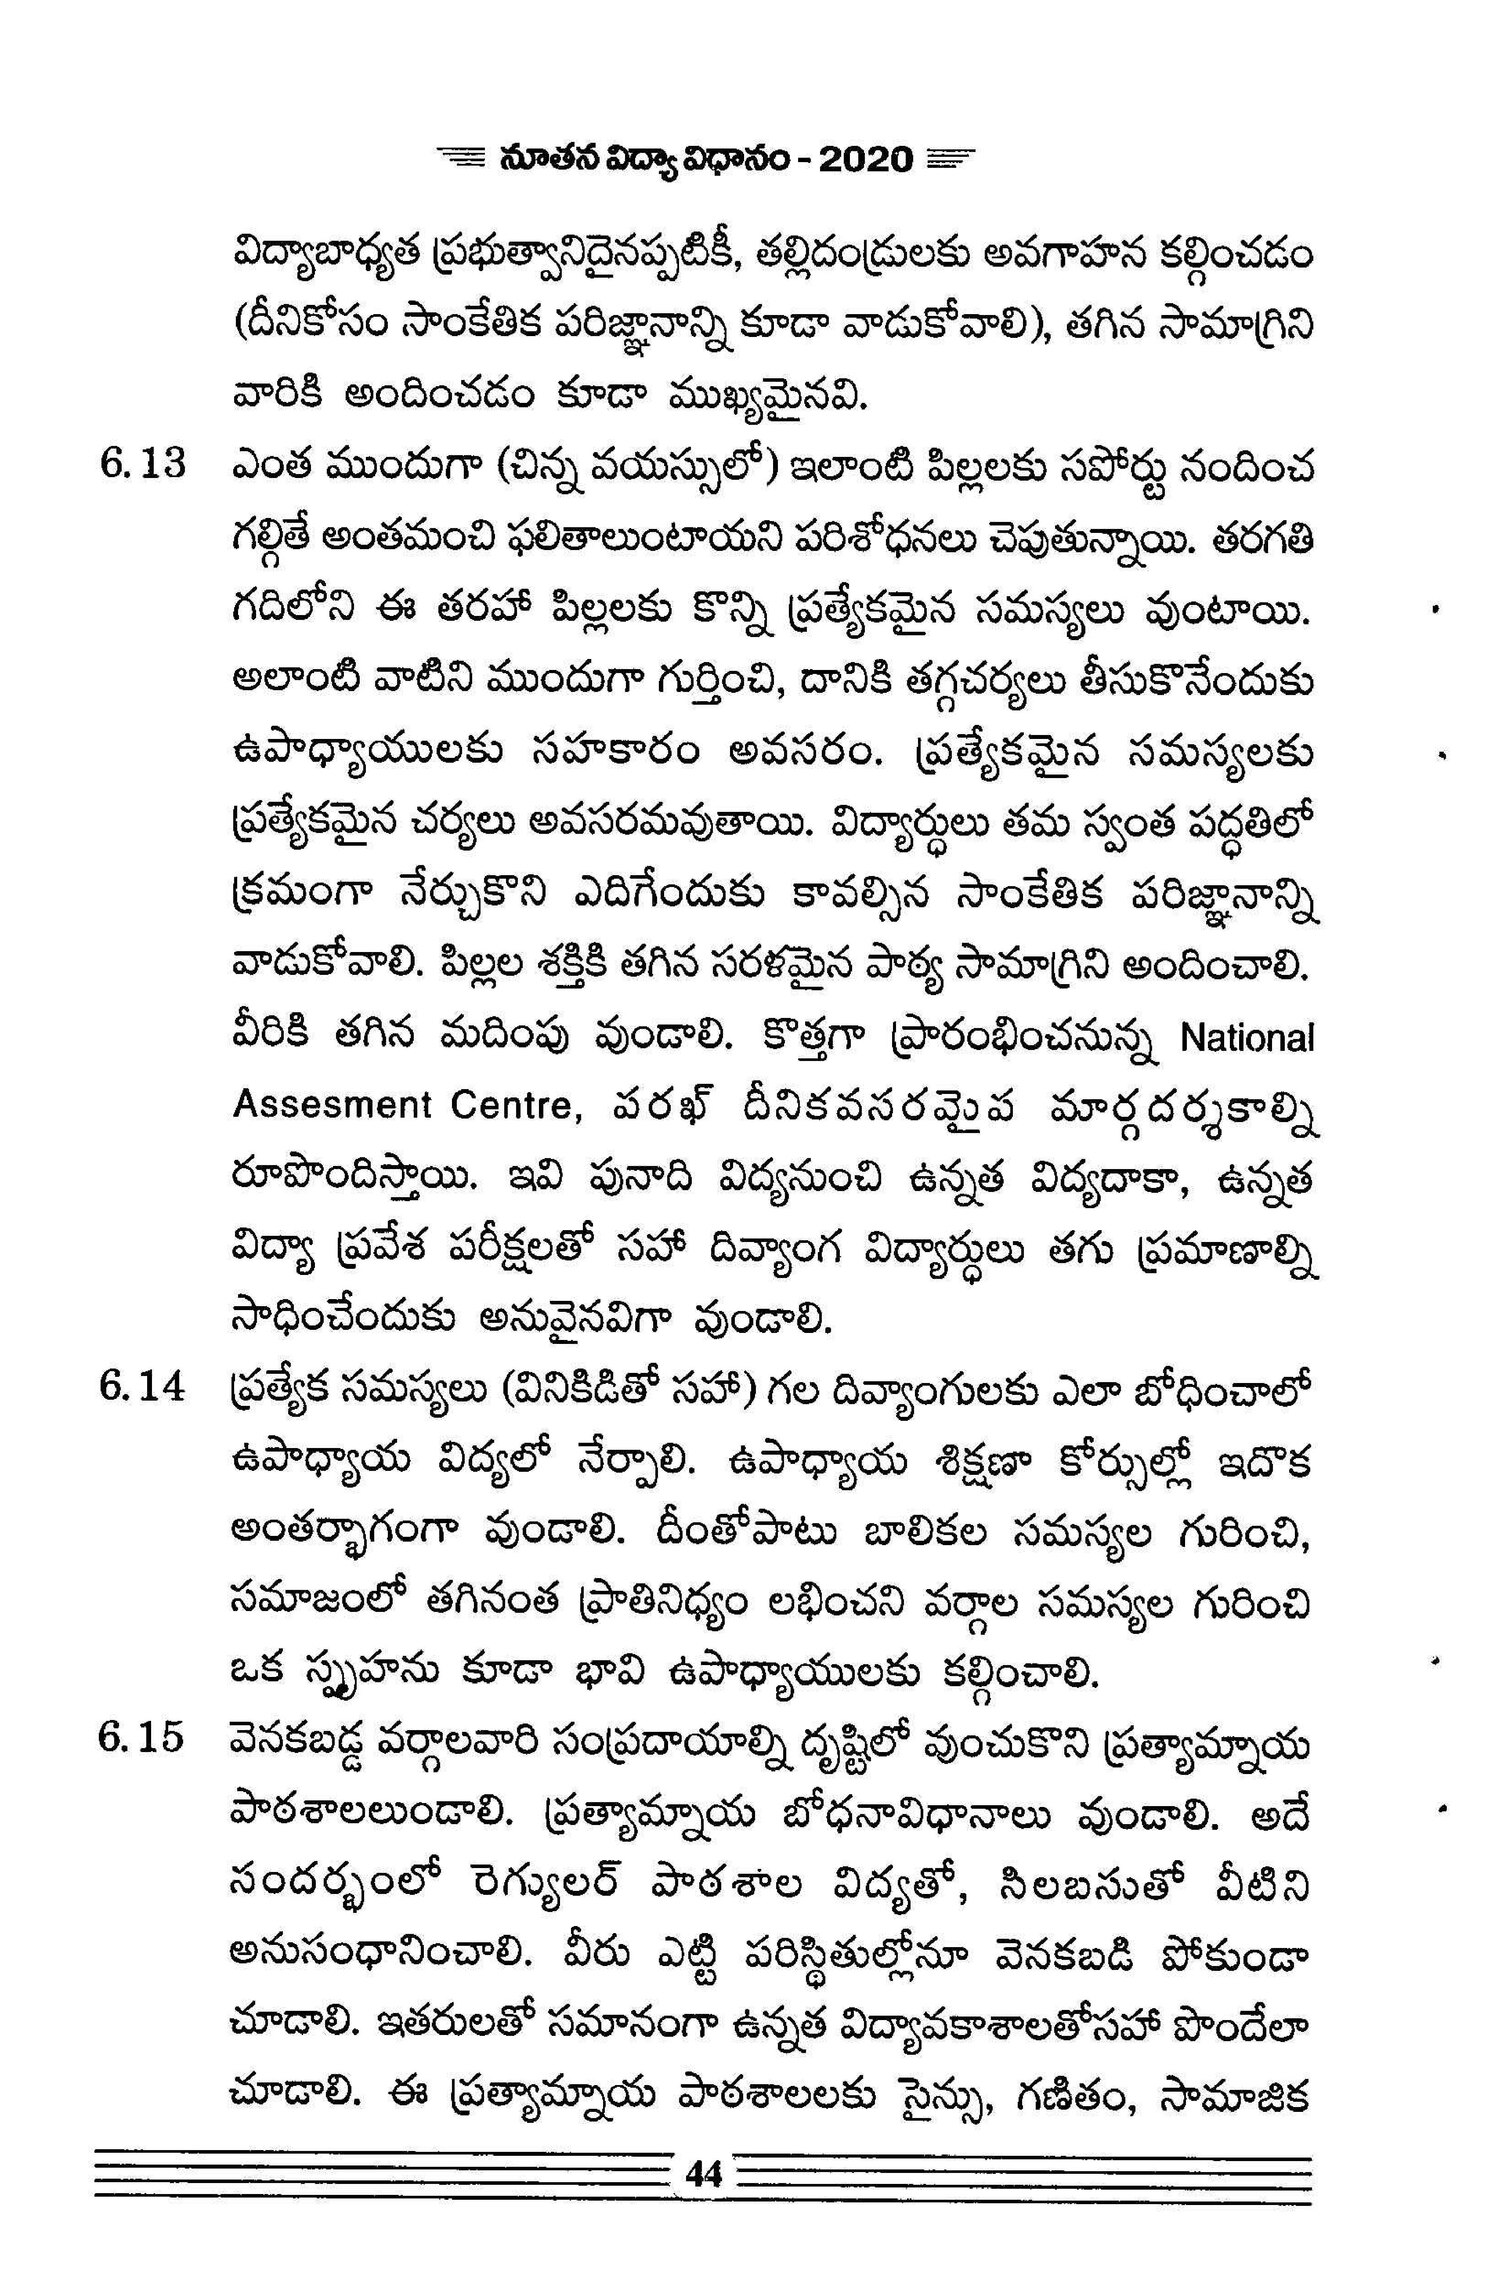6.13
విద్యాబాధ్యత ప్రభుత్వానిదైనా, తల్లిదండ్రులకు అవగాహన కల్పించడం కూడా ఎంతో అవసరం. దీనికోసం సాంకేతిక పరిజ్ఞానాన్ని ఉపయోగించాలి.
అలాగే, తగిన పాఠ్య సామగ్రిని వారికి అందించడమూ ముఖ్యమైన అంశం.
ఎంత త్వరగా (చిన్న వయస్సులో) ఇలాంటి పిల్లలకు సపోర్ట్‌ ఇవ్వగలిగితే, అంత మంచిది అని అనేక పరిశోధనలు పేర్కొంటున్నాయి.
తరగతిగదిలో ఇలాంటి పిల్లలకు కొన్ని ప్రత్యేకమైన సమస్యలు ఎదురవుతాయి.
అవి ముందుగా గుర్తించి, తగిన చర్యలు తీసుకోవడానికి ఉపాధ్యాయులకు సరైన సహకారం అవసరం.
ప్రత్యేక సమస్యలకు ప్రత్యేక చర్యలు అవసరం. విద్యార్థులు తమ స్వంత శైలిలో క్రమంగా నేర్చుకునేలా సహాయపడే సాంకేతిక పరిజ్ఞానాన్ని ఉపయోగించాలి.
పిల్లల స్థాయికి తగిన సరళమైన పాఠ్యసామగ్రి అందించాలి. వారికీ తగిన మదింపు విధానాలు ఉండాలి.
ఇటీవలి కాలంలో ప్రారంభించబోయే జాతీయ మూల్యాంకన కేంద్రం – పరఖ్ (PARAKH), దీనికోసం అవసరమైన మార్గదర్శకాలను రూపొందిస్తుంది.
ఈ మార్గదర్శకాలు పునాది విద్య నుంచి ఉన్నత విద్య దాకా, అలాగే ఉన్నత విద్య ప్రవేశ పరీక్షల వరకూ, దివ్యాంగ విద్యార్థులు తగిన ప్రమాణాలను సాధించేందుకు అనువుగా ఉండాలి.

6.14
ప్రత్యేక సమస్యలు (వినికిడి వంటి సమస్యలతో సహా) ఉన్న దివ్యాంగ పిల్లలకు ఎలా బోధించాలో ఉపాధ్యాయ శిక్షణలో నేర్పాలి.
ఉపాధ్యాయ శిక్షణా కోర్సుల్లో ఇది ఒక అంతర్భాగంగా ఉండాలి.
అంతేకాక, బాలికల సమస్యలపై, అలాగే సమాజంలో తగిన ప్రాతినిధ్యం లేనివారి సమస్యలపై స్పష్టమైన అవగాహనను భావి ఉపాధ్యాయుల్లో కలిగించాలి.

6.15
వెనుకబడ్డ వర్గాల సంప్రదాయాలను దృష్టిలో ఉంచుకొని ప్రత్యామ్నాయ పాఠశాలలు ఉండాలి.
అలాగే, ప్రత్యామ్నాయ బోధనావిధానాలు కూడా అభివృద్ధి చేయాలి.
ఈ పాఠశాలలు మరియు బోధనా విధానాలు, రెగ్యులర్ పాఠశాల విద్యా వ్యవస్థతో, అక్కడి పాఠ్యాంశాలతో (సిలబస్‌తో) అనుసంధానంగా ఉండాలి.
వీరు ఎట్టి పరిస్థితుల్లోనూ వెనుకబడి పోకుండా, ఇతరులతో సమానంగా ఉన్నత విద్యావకాశాలు పొందేలా చూడాలి.
ఈ ప్రత్యామ్నాయ పాఠశాలలకు సైన్స్, గణితం, సామాజిక శాస్త్రం వంటి ముఖ్యమైన విషయాల్లో నిపుణుల సహకారంతో సరైన మద్దతు ఉండాలి.